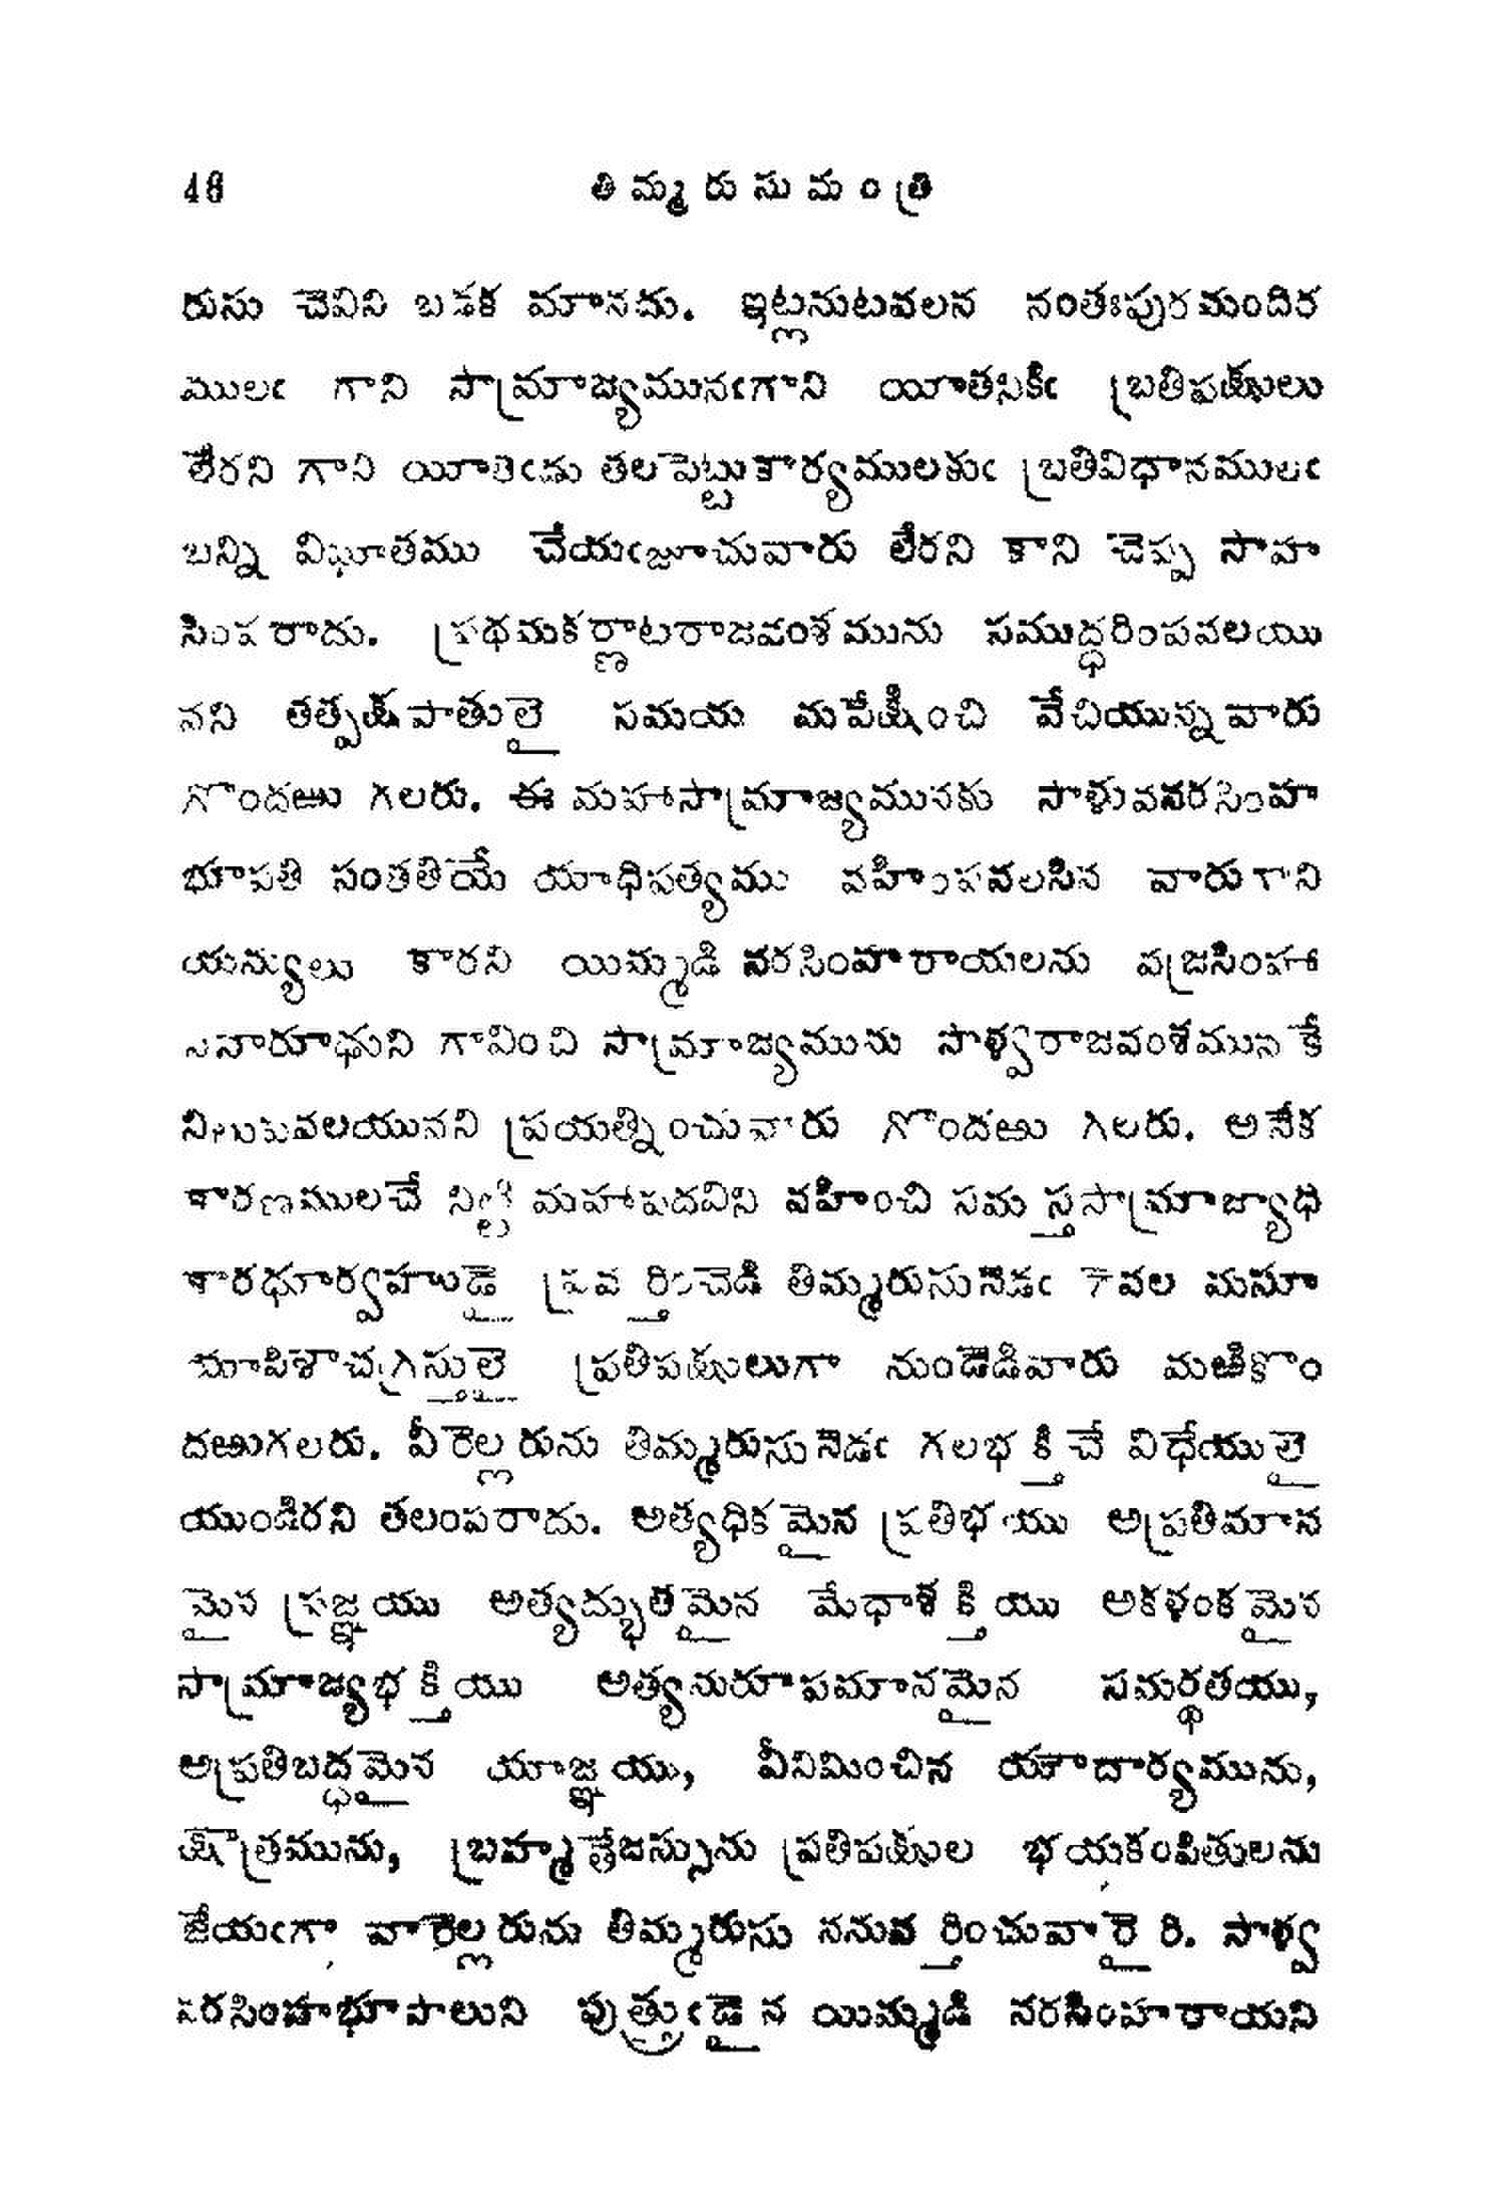రుసు చెవిని బడక మానదు. ఇట్లనుటవలన నంతఃపురమందిరములఁ గాని సామ్రాజ్యమునఁగాని యీతనికిఁ బ్రతిపక్షులు లేరని గాని యీతడు తలపెట్టుకార్యములకుఁ బ్రతివిధానములఁ బన్ని విఘాతము చేయఁజూచువారు లేరని కాని చెప్ప సాహసింపరాదు. ప్రథమకర్ణాటరాజవంశమును సముద్దరింపవలయినని తత్పక్షపాతులై సమయ మపేక్షించి వేచియున్నవారు గొందుఱు గలరు. ఈ మహాసామ్రాజ్యమునకు సాళువనరసింహభూపతి సంతతియే యాధిపత్యము వహింపవలసిన వారుగాని యన్యులు కారని యిమ్మడి నరసింహరాయలను వజ్రసింహాసనారూఢుని గావించి సామ్రాజ్యమును సొళ్వరాజవంశమునకే నిలుపవలయునని ప్రయత్నించువారు గొందఱు గలరు. అనేక కారణములచే నిట్టి మహాపదవిని వహించి సమస్తసామ్రాజ్యాధికారధూర్వహుడై ప్రవర్తించెడి తిమ్మరుసునెడఁ 7వల మసూయాపిశాచగ్రస్తులై ప్రతిపక్షులుగా నుండెడివారు మఱికొందఱుగలరు. వీరెల్లరును తిమ్మరుసునెడఁ గలభక్తిచే విధేయులై యుండిరని తలంపరాదు. అత్యధికమైన ప్రతిభయు అప్రతిమానమైన ప్రజ్ఞయు అత్యద్భుతమైన మేధాశక్తియు అకళంకమైన సామ్రాజ్యభక్తియు అత్యనురూపమానమైన సమర్థతయు, అప్రతిబద్ధమైన యాజ్ఞయు, వీనిమించిన యౌదార్యమును, క్షాత్రమును, బ్రహ్మతేజస్సును ప్రతిపక్షుల భయకంపితులను జేయఁగా వారెల్లరును తిమ్మరుసు ననువర్తించువారైరి. సాళ్వనరసింహభూపాలుని పుత్రుఁడైన యిమ్మడి నరసింహరాయని